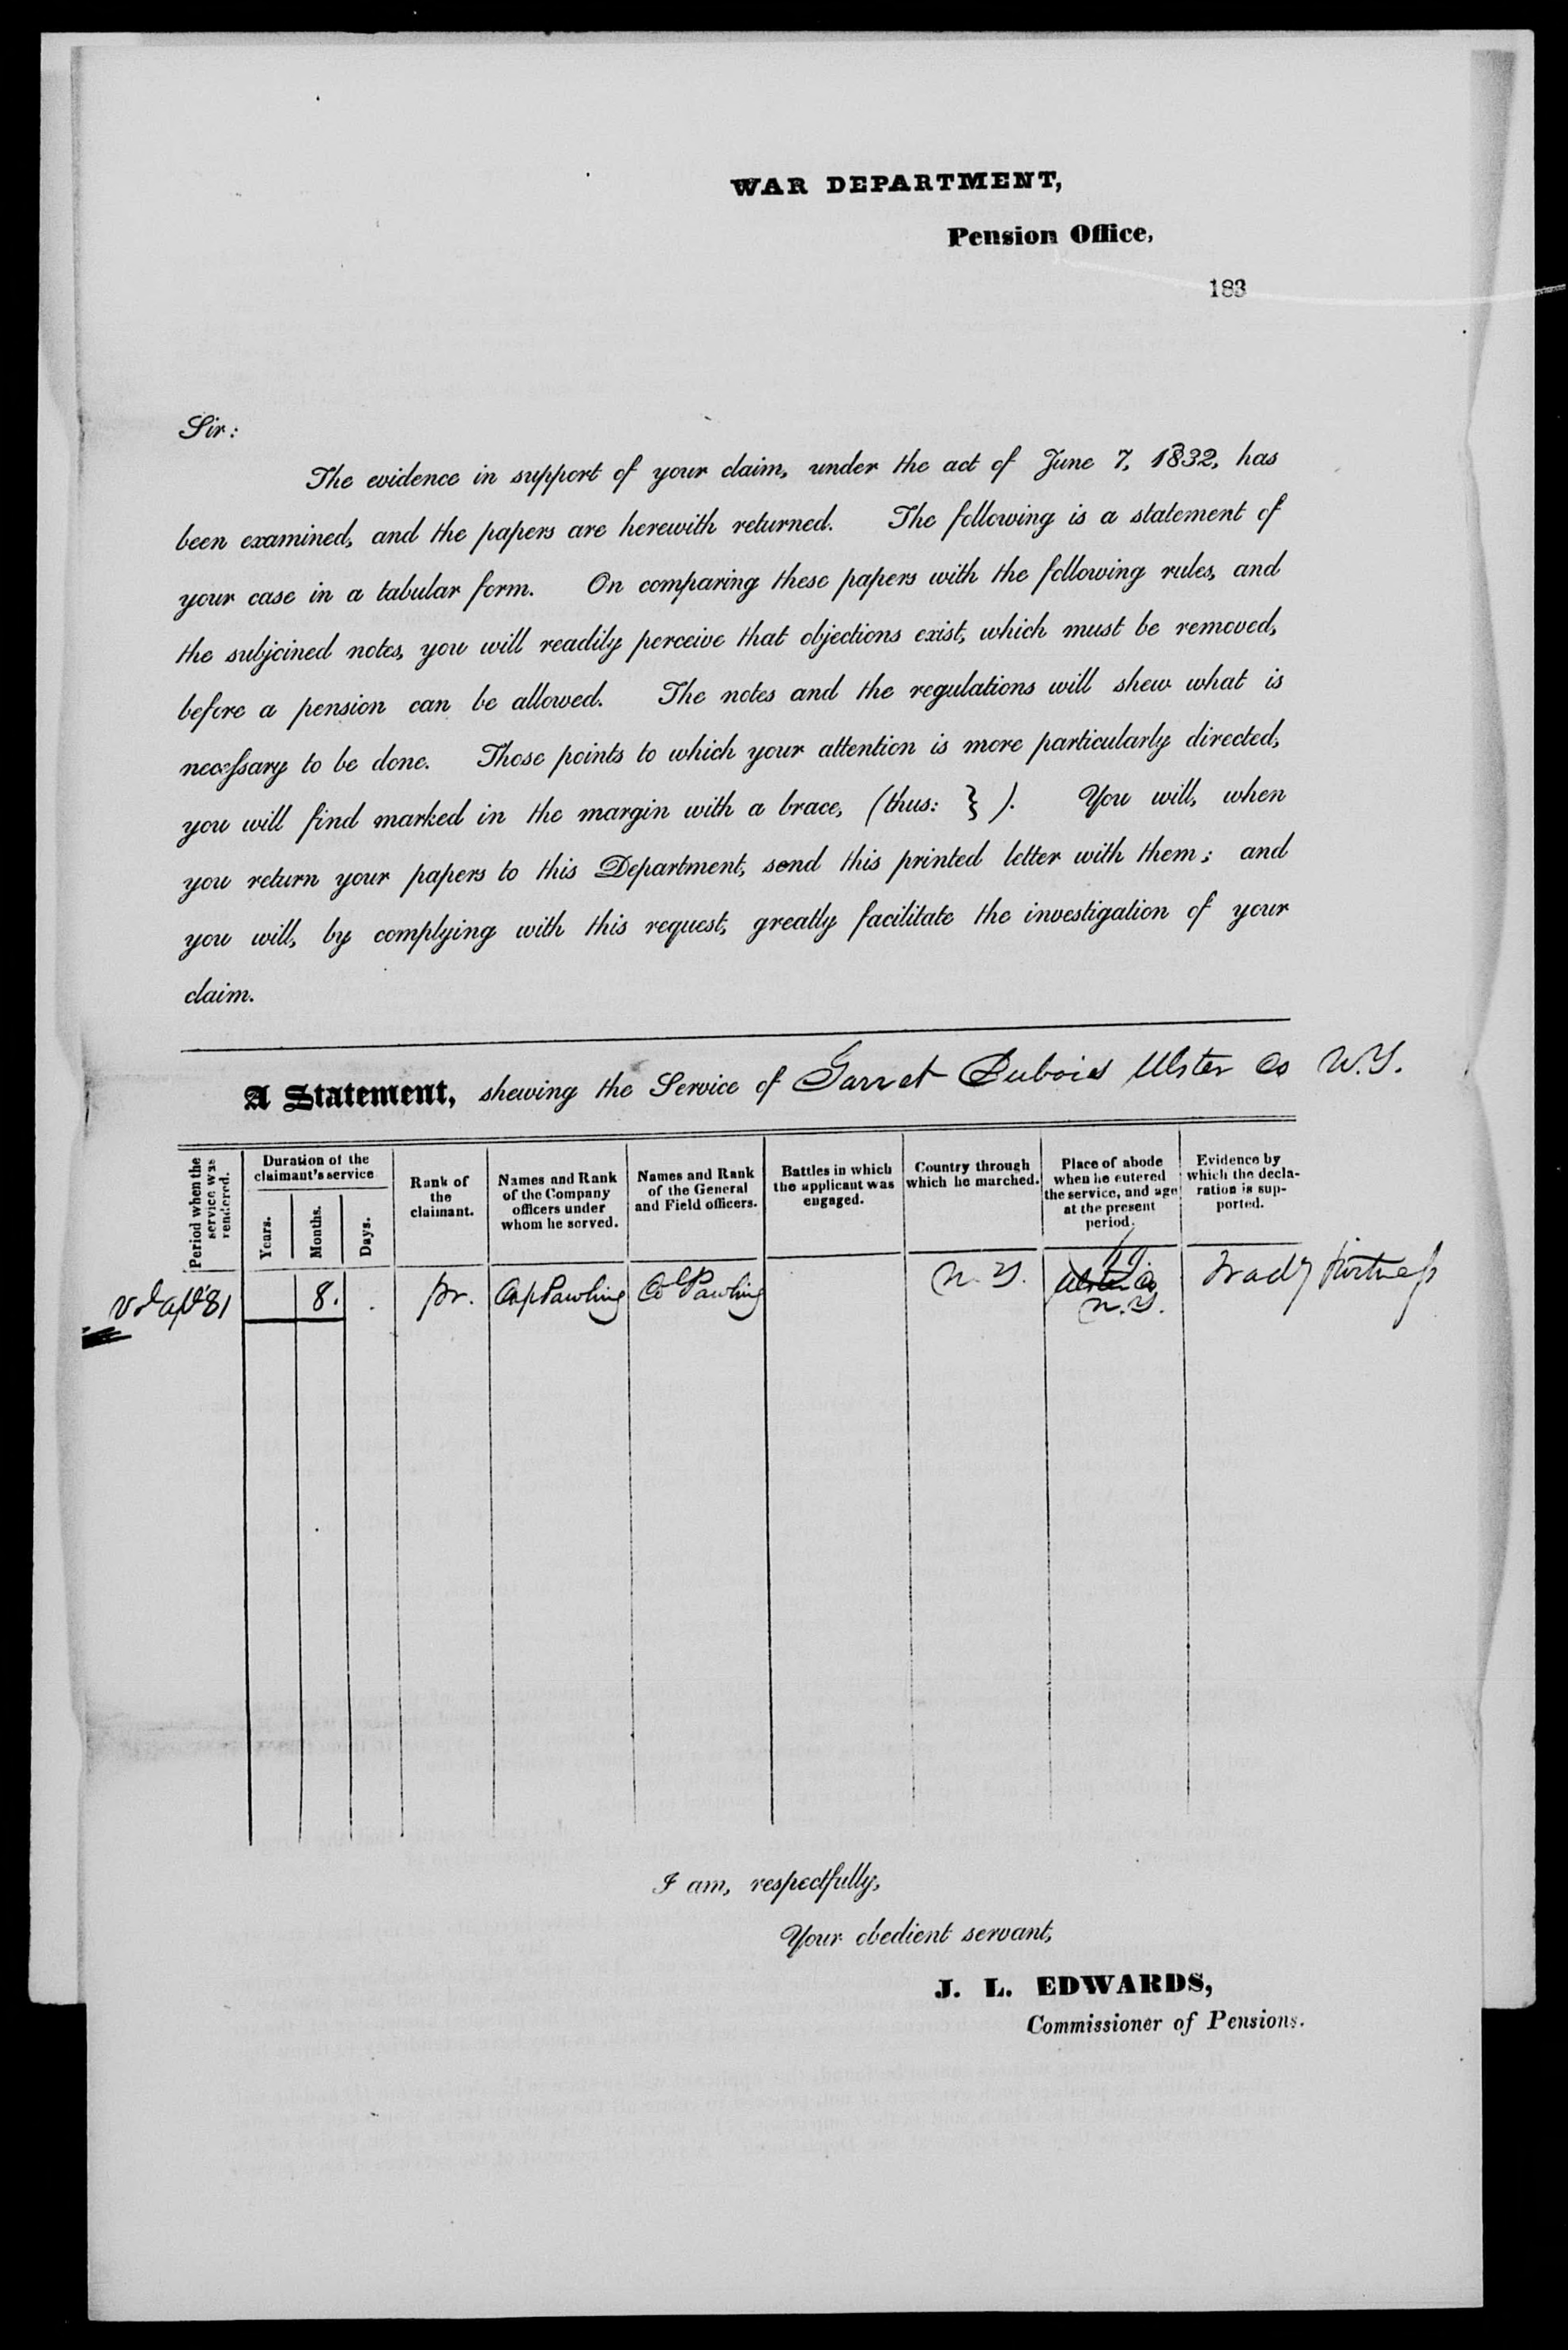WAR DEPARTMENT,
Pension Office,
183
Sir:
The evidence in support of your claim, under the act of June 7, 1832, has 
been examined, and the papers are herewith returned. The following is a statement of your case in a tabular form. On comparing these papers with the following rules, and the subjoined notes, you will readily perceive that objections exist, which must be removed, before a pension can be allowed. the notes and the regulations will shew what is necessary to be done. Those points to which your attention is more particularly directed, you will find marked in the margin with a brace, (thus:  } ). You will, when you return your papers to this Department, send this printed letter with them; and you will, by complying with this request, greatly facilitate the investigation of your
claim.

A Statement, showing the service of Garret Dubois Ulster Co N.Y.
Period when the service was rendered.: Vol Apl '81
Duration of the claimant's servic: _ Years | 8 Months |  _ Days
Rank of the claimant.: pr
Names and Rank of the Company officers under whom he served.: Cap. Pawling
Names and Rank of the General and Field officers.: Co'l Pawling
Battles in which the applicant was engaged.:
Country through which he marched.: N. Y.
Place of abode when he entered the service, and age at the present                                          period; 49 Ulster Co N. Y.
Evidence by which the declaration is supported: Brady Portness

I am, respectfully,
Your obedient servant,
J. L. EDWARDS,
Commissioner of Pensions.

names: Pawling, J L Edwards, Garret Dubois, Pawling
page: 5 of 36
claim: widow's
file: W 20995, Gerrit Dubois, New York